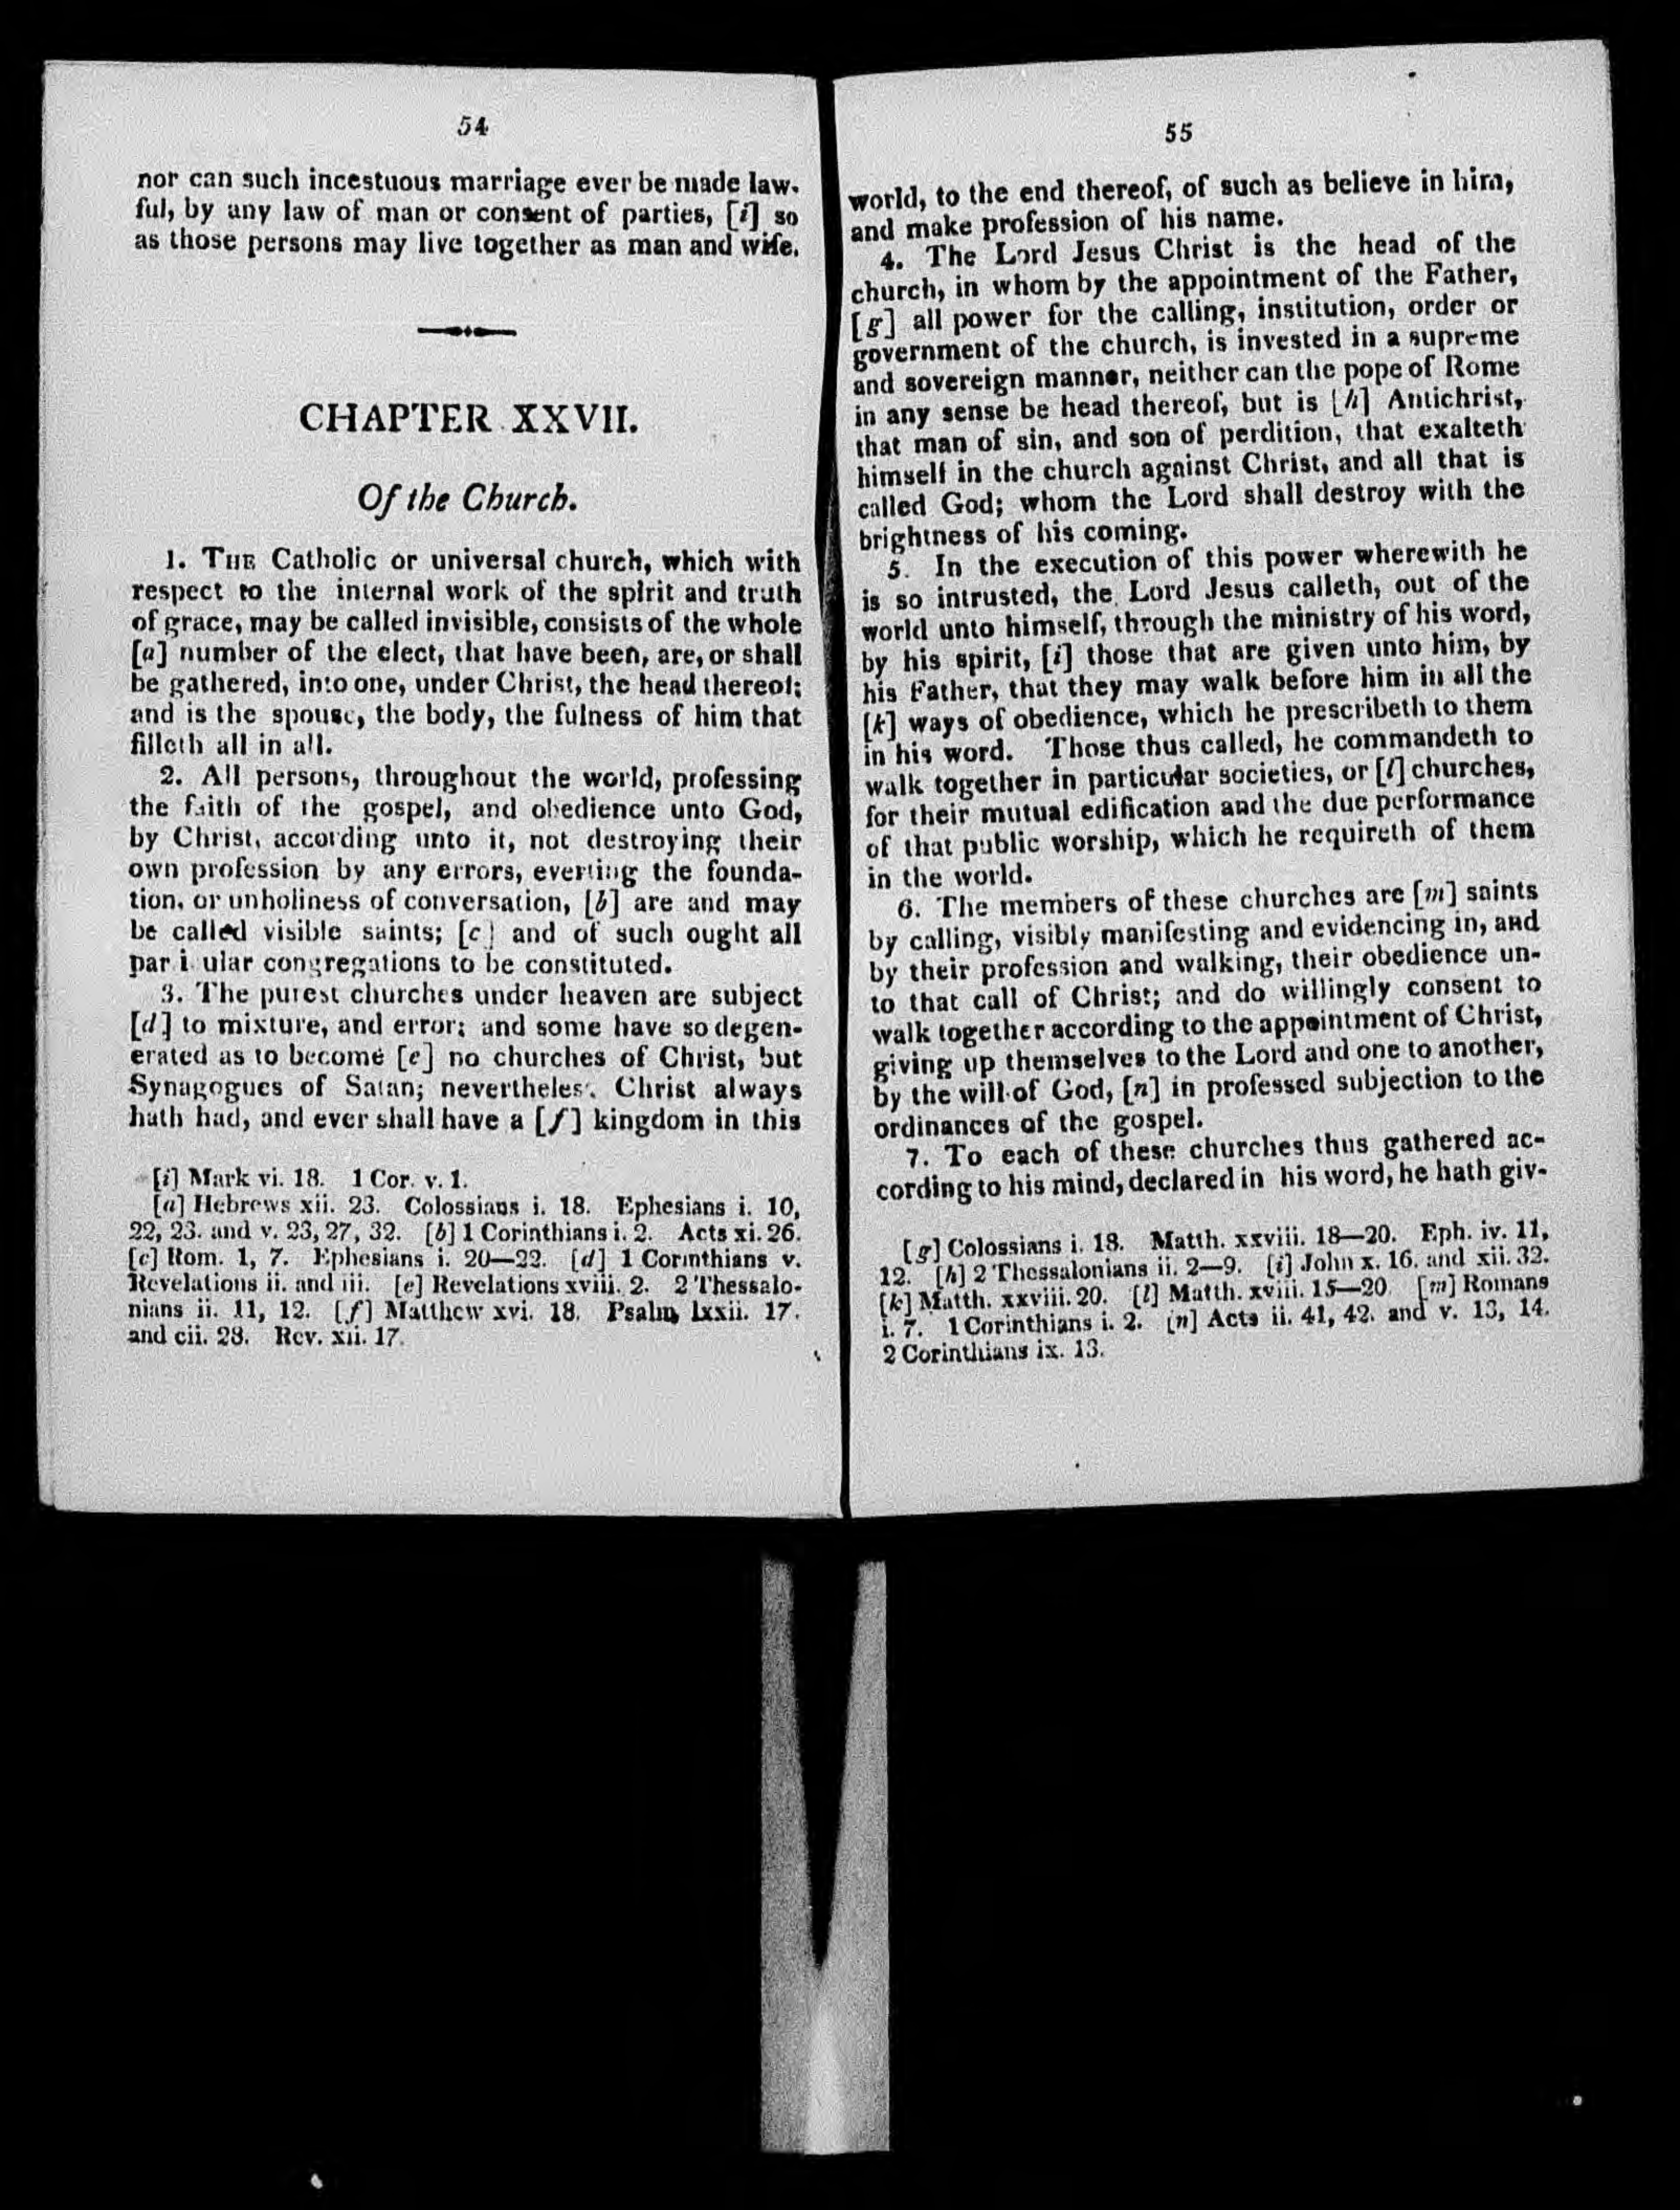54
nor can such incestuous marriage ever be made law.
ful, by any law of man or consent of parties, [i] so
as those persons may live together as man and wife.
---
CHAPTER XXVII.
Of the Church.
1. THE Catholic or universal church, which with
respect to the internal work of the spirit and truth
of grace, may be called invisible, consists of the whole
[a] number of the elect, that have been, are, or shall
be gathered into one, under Christ, the head thereof:
and is the spouse, the body, the fulness of him that
filleth all in all.
2. All persons, throughout the world, professing
the faith of the gospel, and obedience unto God,
by Christ, according unto it, not destroying their
own profession by any errors, everting the foundation
, or unholiness of conversation, [b] are and may
be called visible saints;[c]  and of such ought all
particular congregations to be constituted.
3. The purest churches under heaven are subject [d]
to mixture, and error; and some have so degen
erated as to become [e] no churches of Christ, but
Synagogues of Satan; nevertheles Christ always
hath had, and ever shall have a [f] kingdom in this
]i]  Mark vi. 18. 1 Cor. v. 1.
[a] Hebrews xii. 23. Colossians i. 18 Ephesians i. 10, 22, 23 and v. 23, 27, 32. [] b1 Corinthians i. 2. Acts xi. 26.
[c] Rom. 1, 7. Ephesians i. 20 - 22. [d] 1 Corinthians V.
Revelations ii and iii. [e] Revelations xvii. 2. 2 Thessalon-
nians ii. 11, 12. [f] Matthew xvi. 18. Psalm lxxiii. 17. 
and cli. 28. Rev. xii. 17.

55
 world, to the end thereof, of such as believe in him,
┃ and make profession of his name.
4. The Lord Jesus Christ is the head of the
Church, in whom by the appointment of the Father,
[g] all power for the calling, institution, order or
government of the church, is invested in a supreme
and sovereign manner, neither can the pope of Rome
in any sense be head thereof, but is [h] Antichrist,
that man of sin, and son of perdition, that exalteth
himself in the church against Christ, and all that is
called God, whom the Lord shall destroy with the
brightness of his coming.
5. In the execution of this power wherewith he
is so intrusted, the Lord Jesus calleth, out of the
world unto himself, through the ministry of his word,
by his spirit, [i] those that are given unto him, by
his father, that they may walk before him in all the
[k] ways of obedience, which he prescribeth to them
in his word. Those thus called, he commandeth to
walk together in particular societies, or [l] churches,
for their mutual edification and the due performance
of that public worship, which he requireth of them
in the world.
6. The members of these churches are [m] saints
by calling visibly manifesting and evidencing in, and
by their profession and walking, their obedience unto
that call of Christ; and do willingly consent to
walk together according to the appointment of Christ,
giving up themselves to the Lord and one to another,
by the will of God, [n] in professed subjection to the
ordinances of the gospel.
To each of these churches thus gathered according
to his mind, declared in his word, he hath giv-

[g] Colossians in 18 Matt. xxviii. 18-20. Eph. iv. 11, 12. [h] 2 Thessalonians ii. 2-9. [i] John x 16, and xii. 32.
[k] Matt. xxvii. 20. [l] Matth xvii. 15–20 [m] Romans
. 1 7. Corinthians i. 2. [n] Acts ii. 41, 42, and v. 13, 14.
2 Corinthians ix. 13.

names: Mark, John, Matthew, Matth, Matth, Matth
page: 39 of 98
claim: widow's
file: W. 8398, William Broadway, S.C.